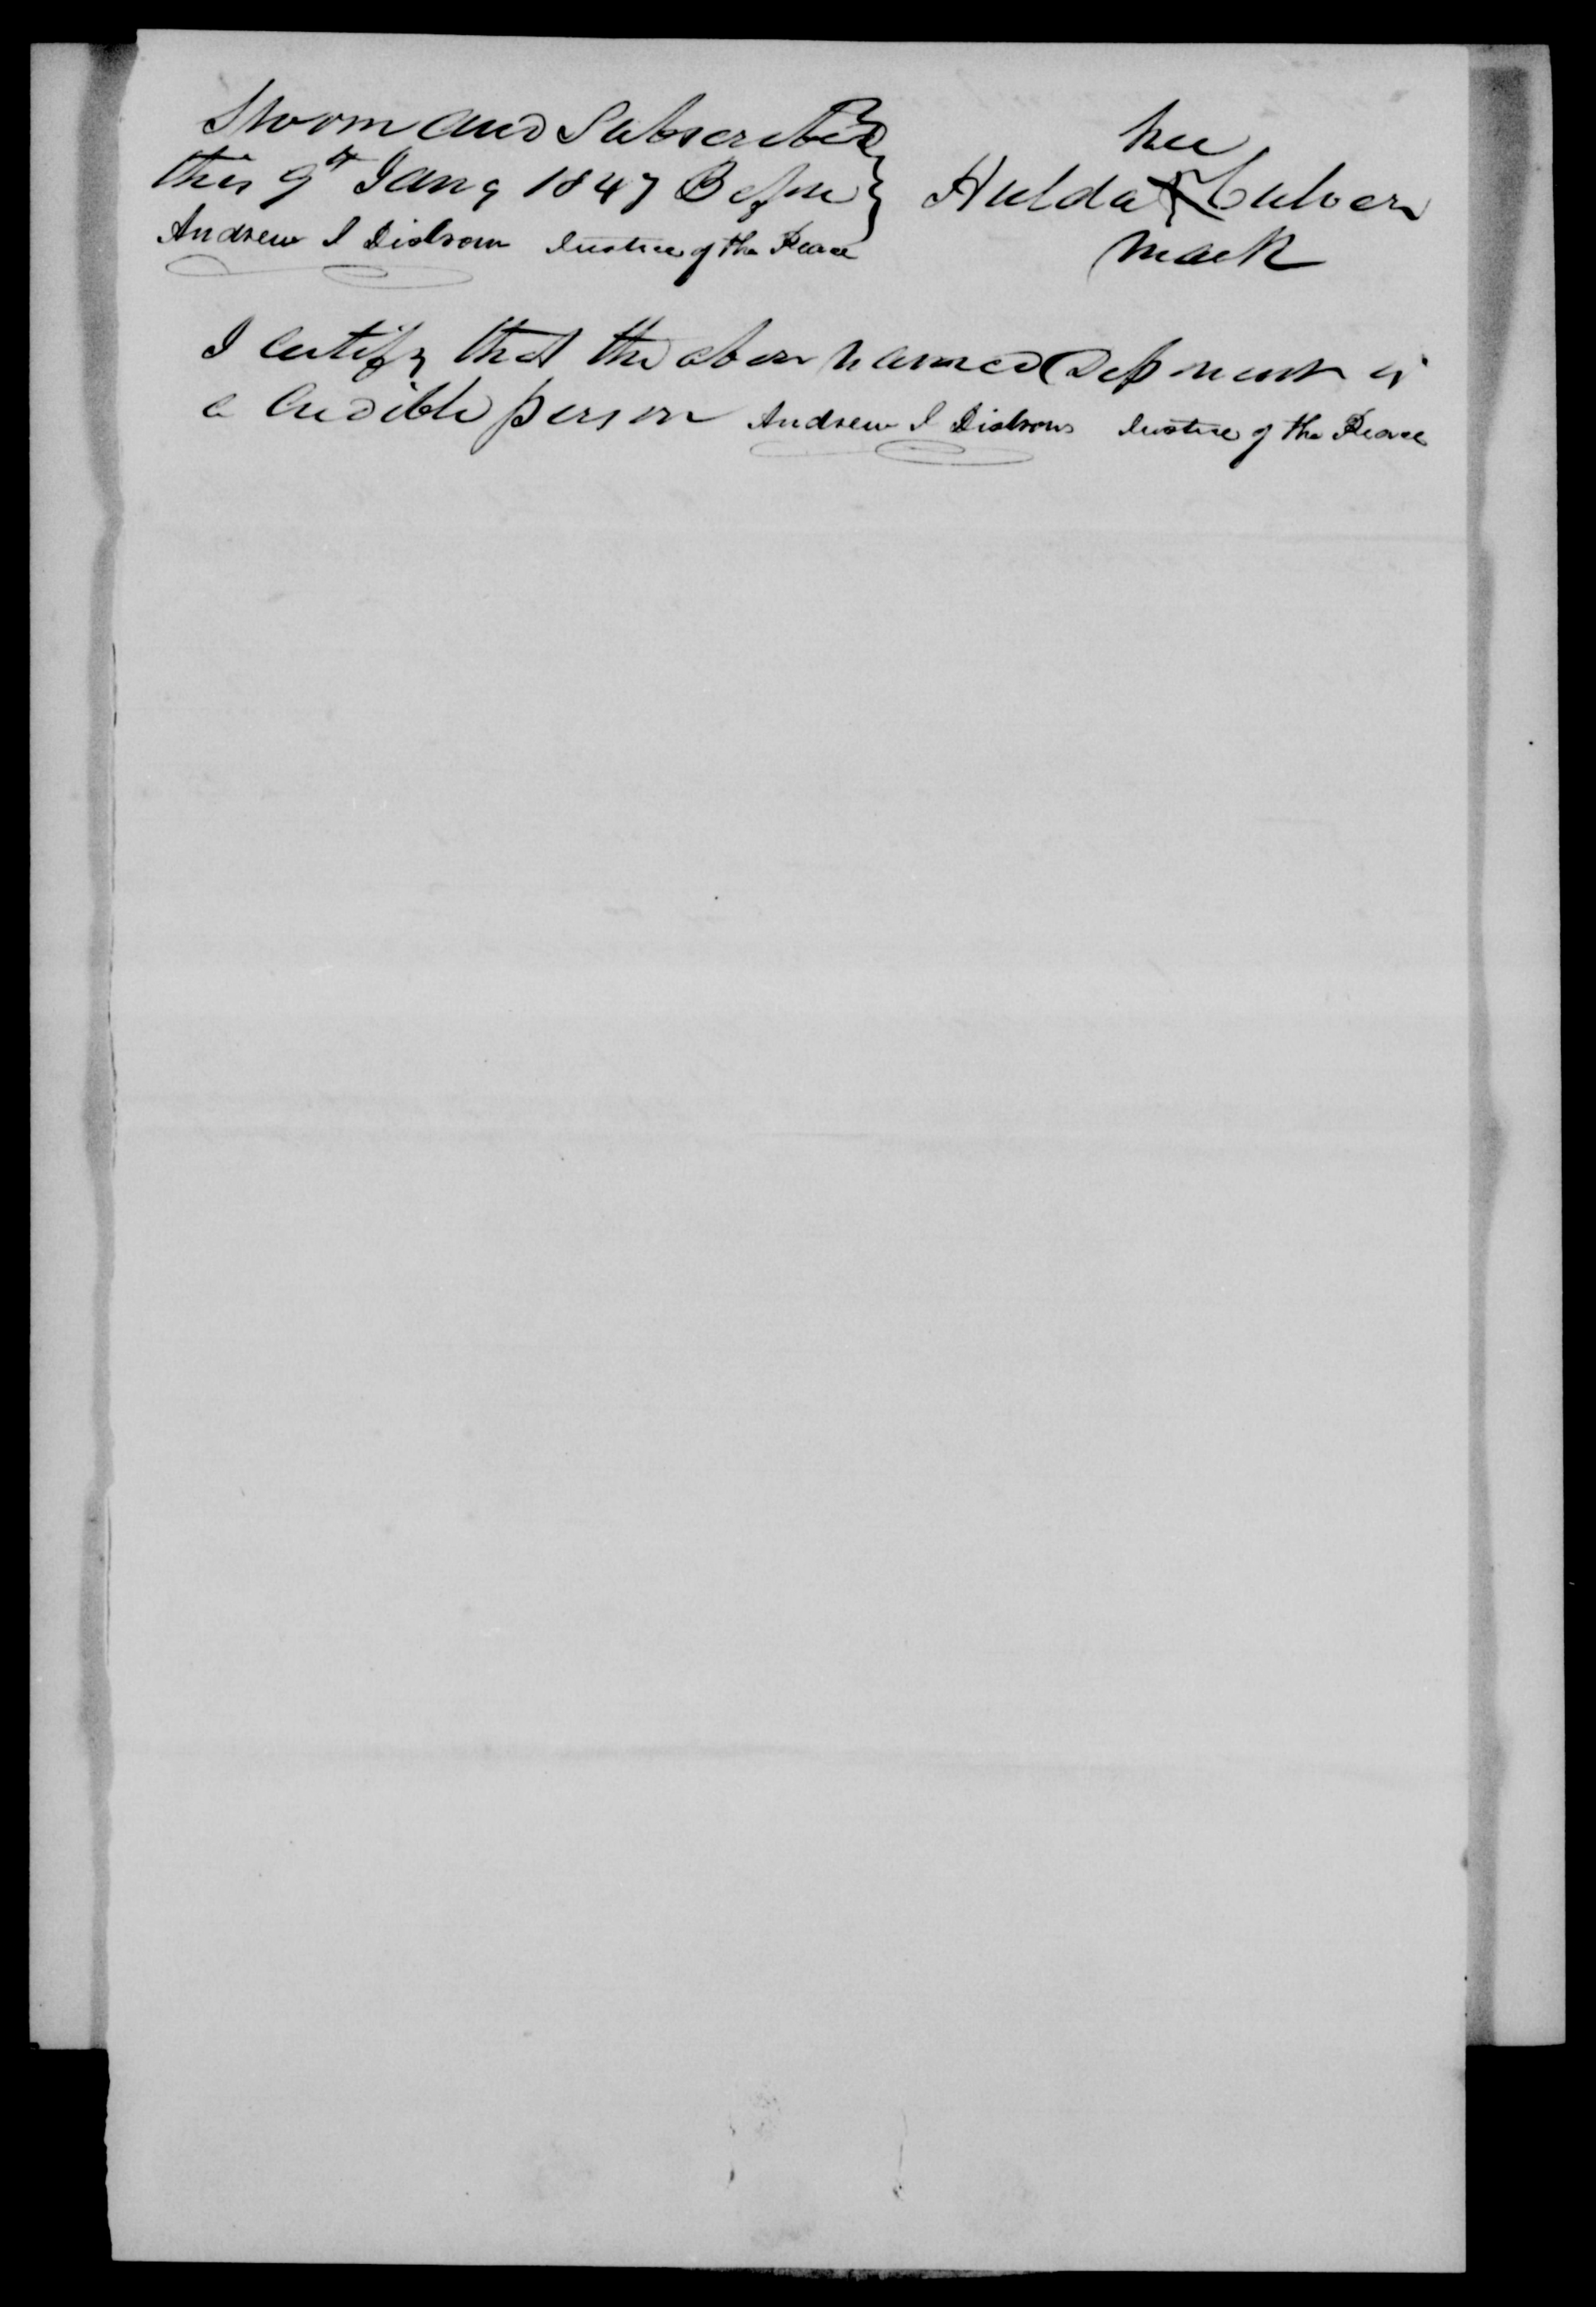s/ Hilda Culver (X - her mark)

Sworn and subscribed this 9th Jan. 1847 before.
s/ Andrew J. Disbrow, Justice of the Peace

I certify that the above named deponent is a credible person.
s/ Andrew J. Disbrow, Justice of the Peace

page: 12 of 46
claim: widow's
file: W. 6205, for John Slover, New Jersey